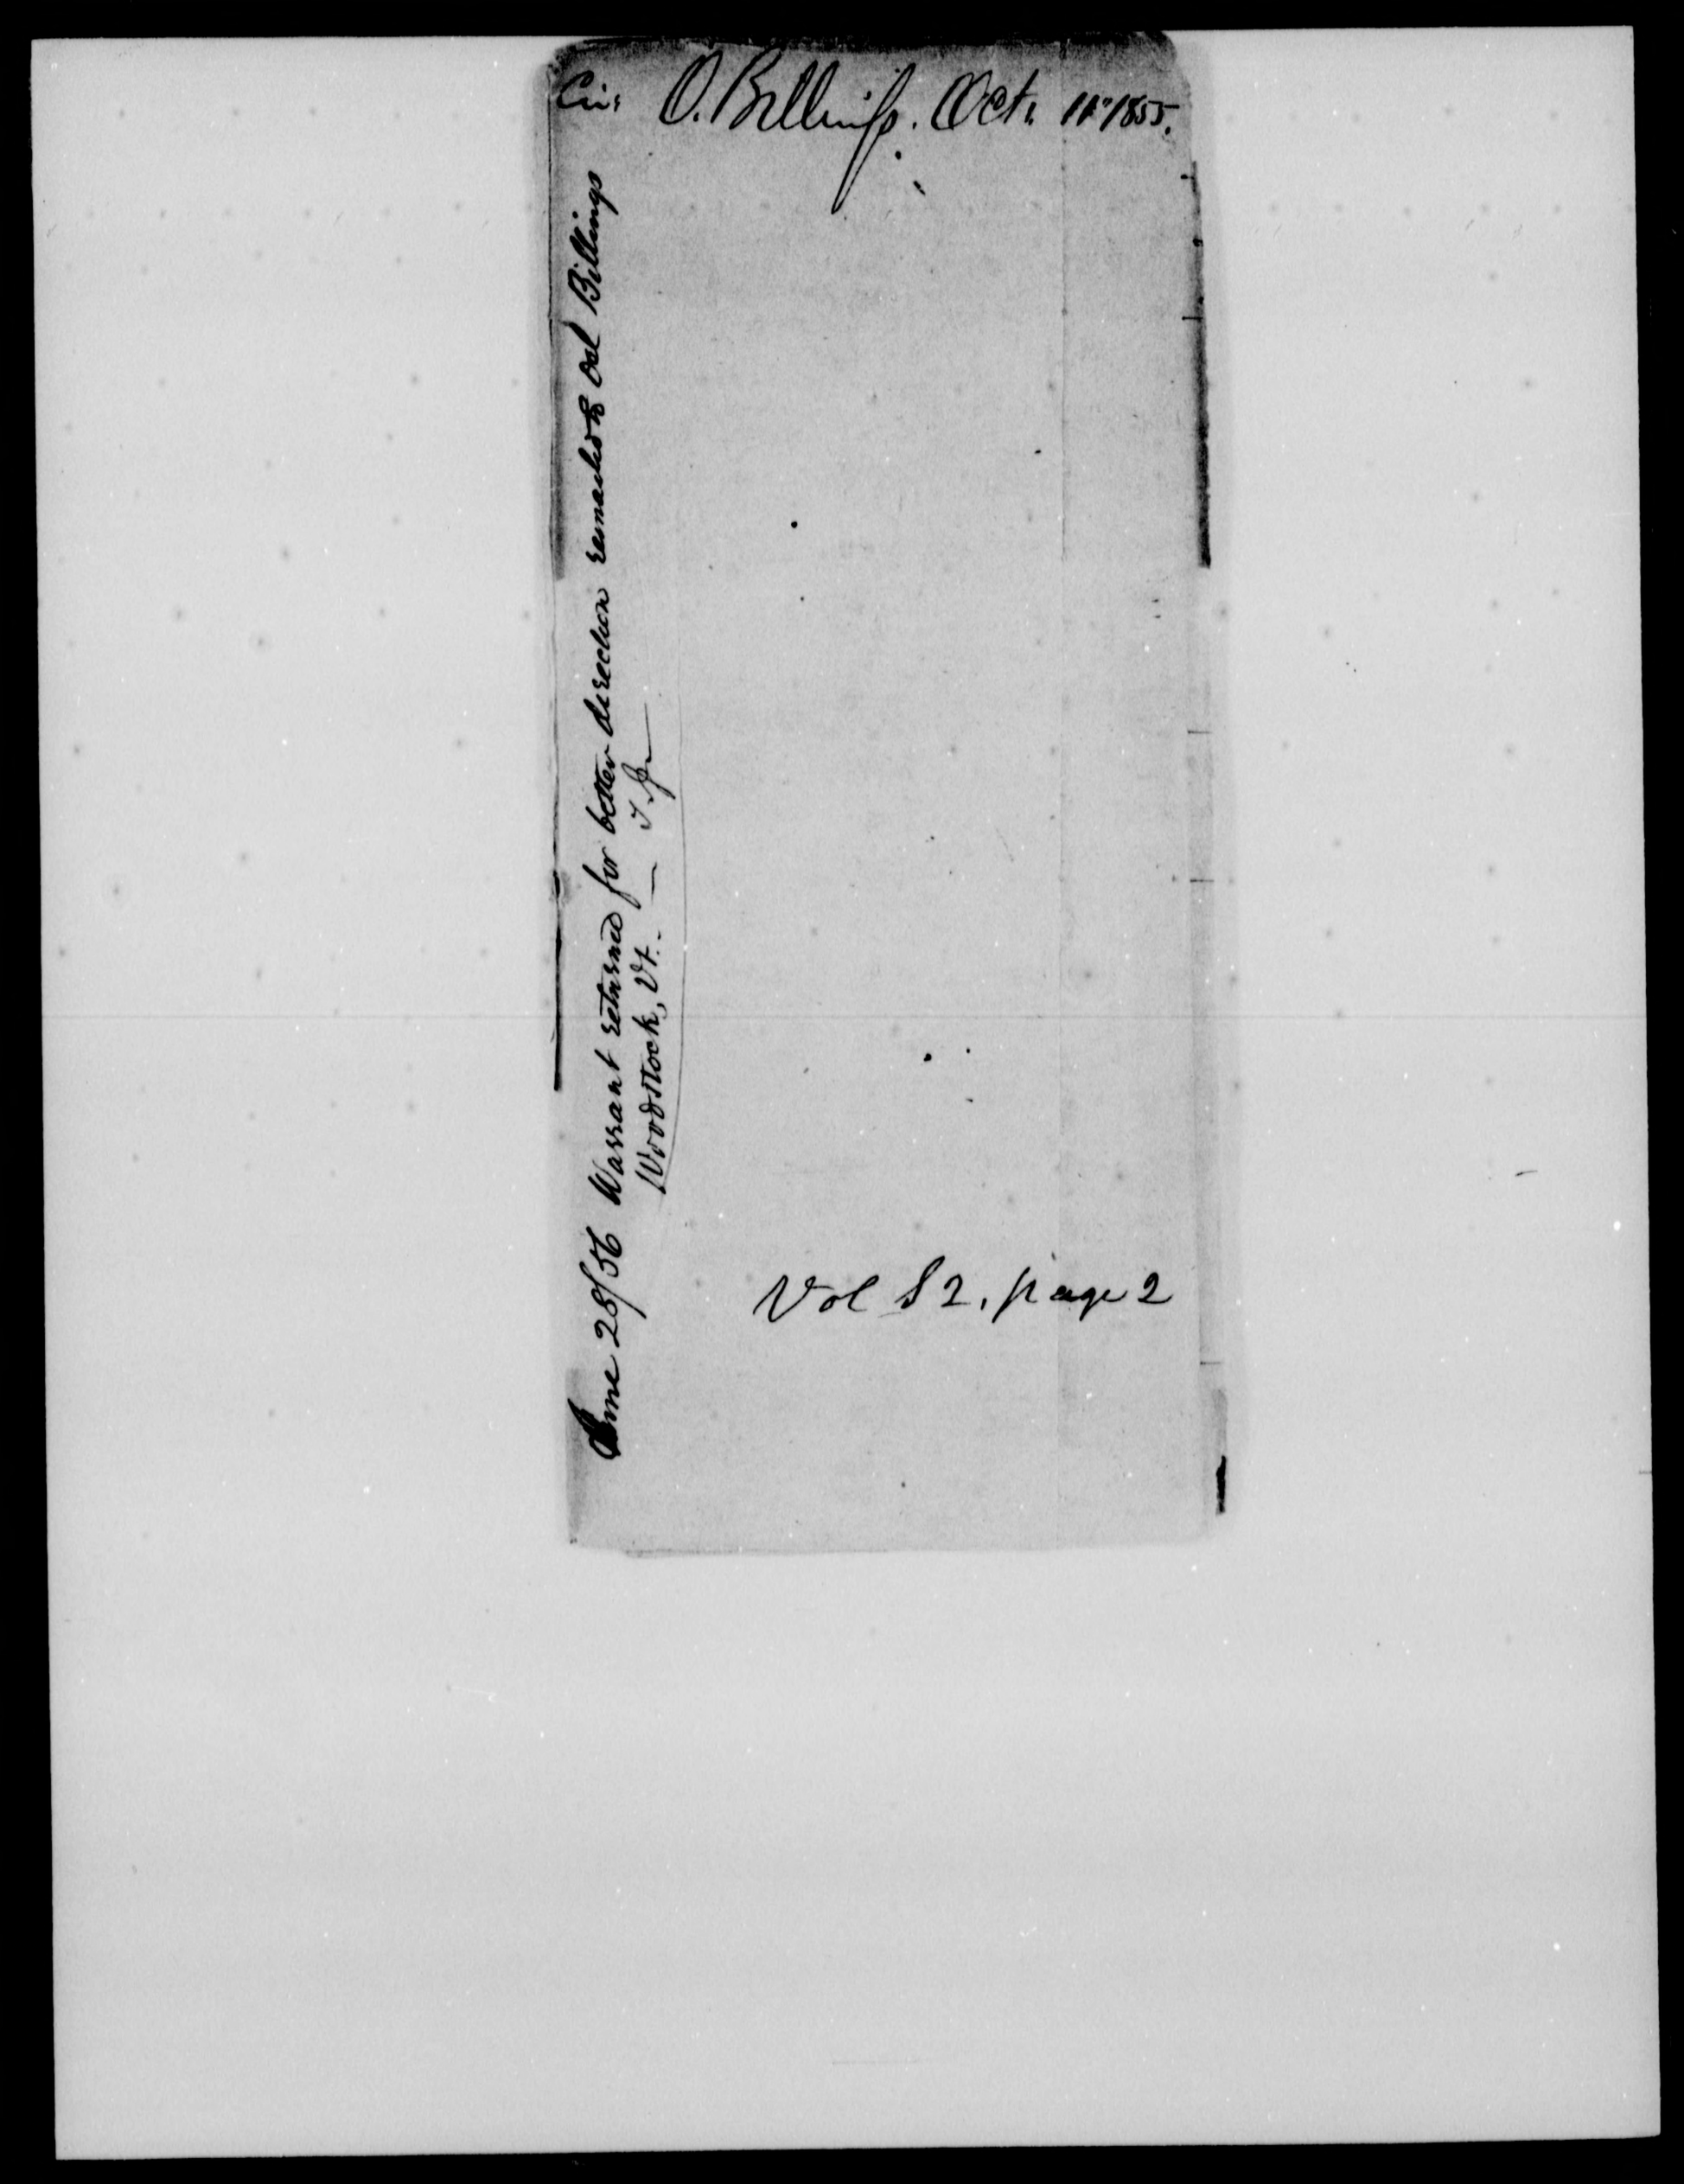[illegible] O. Billings. Oct. 11 1855
June 28/56 Warrant entered for better direction [illegible] O[illegible] Billings
Vol S2. page 2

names: O Billings; Oel Billings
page: 2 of 46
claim: widow's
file: W. 504, for Abraham Snow, Connecticut